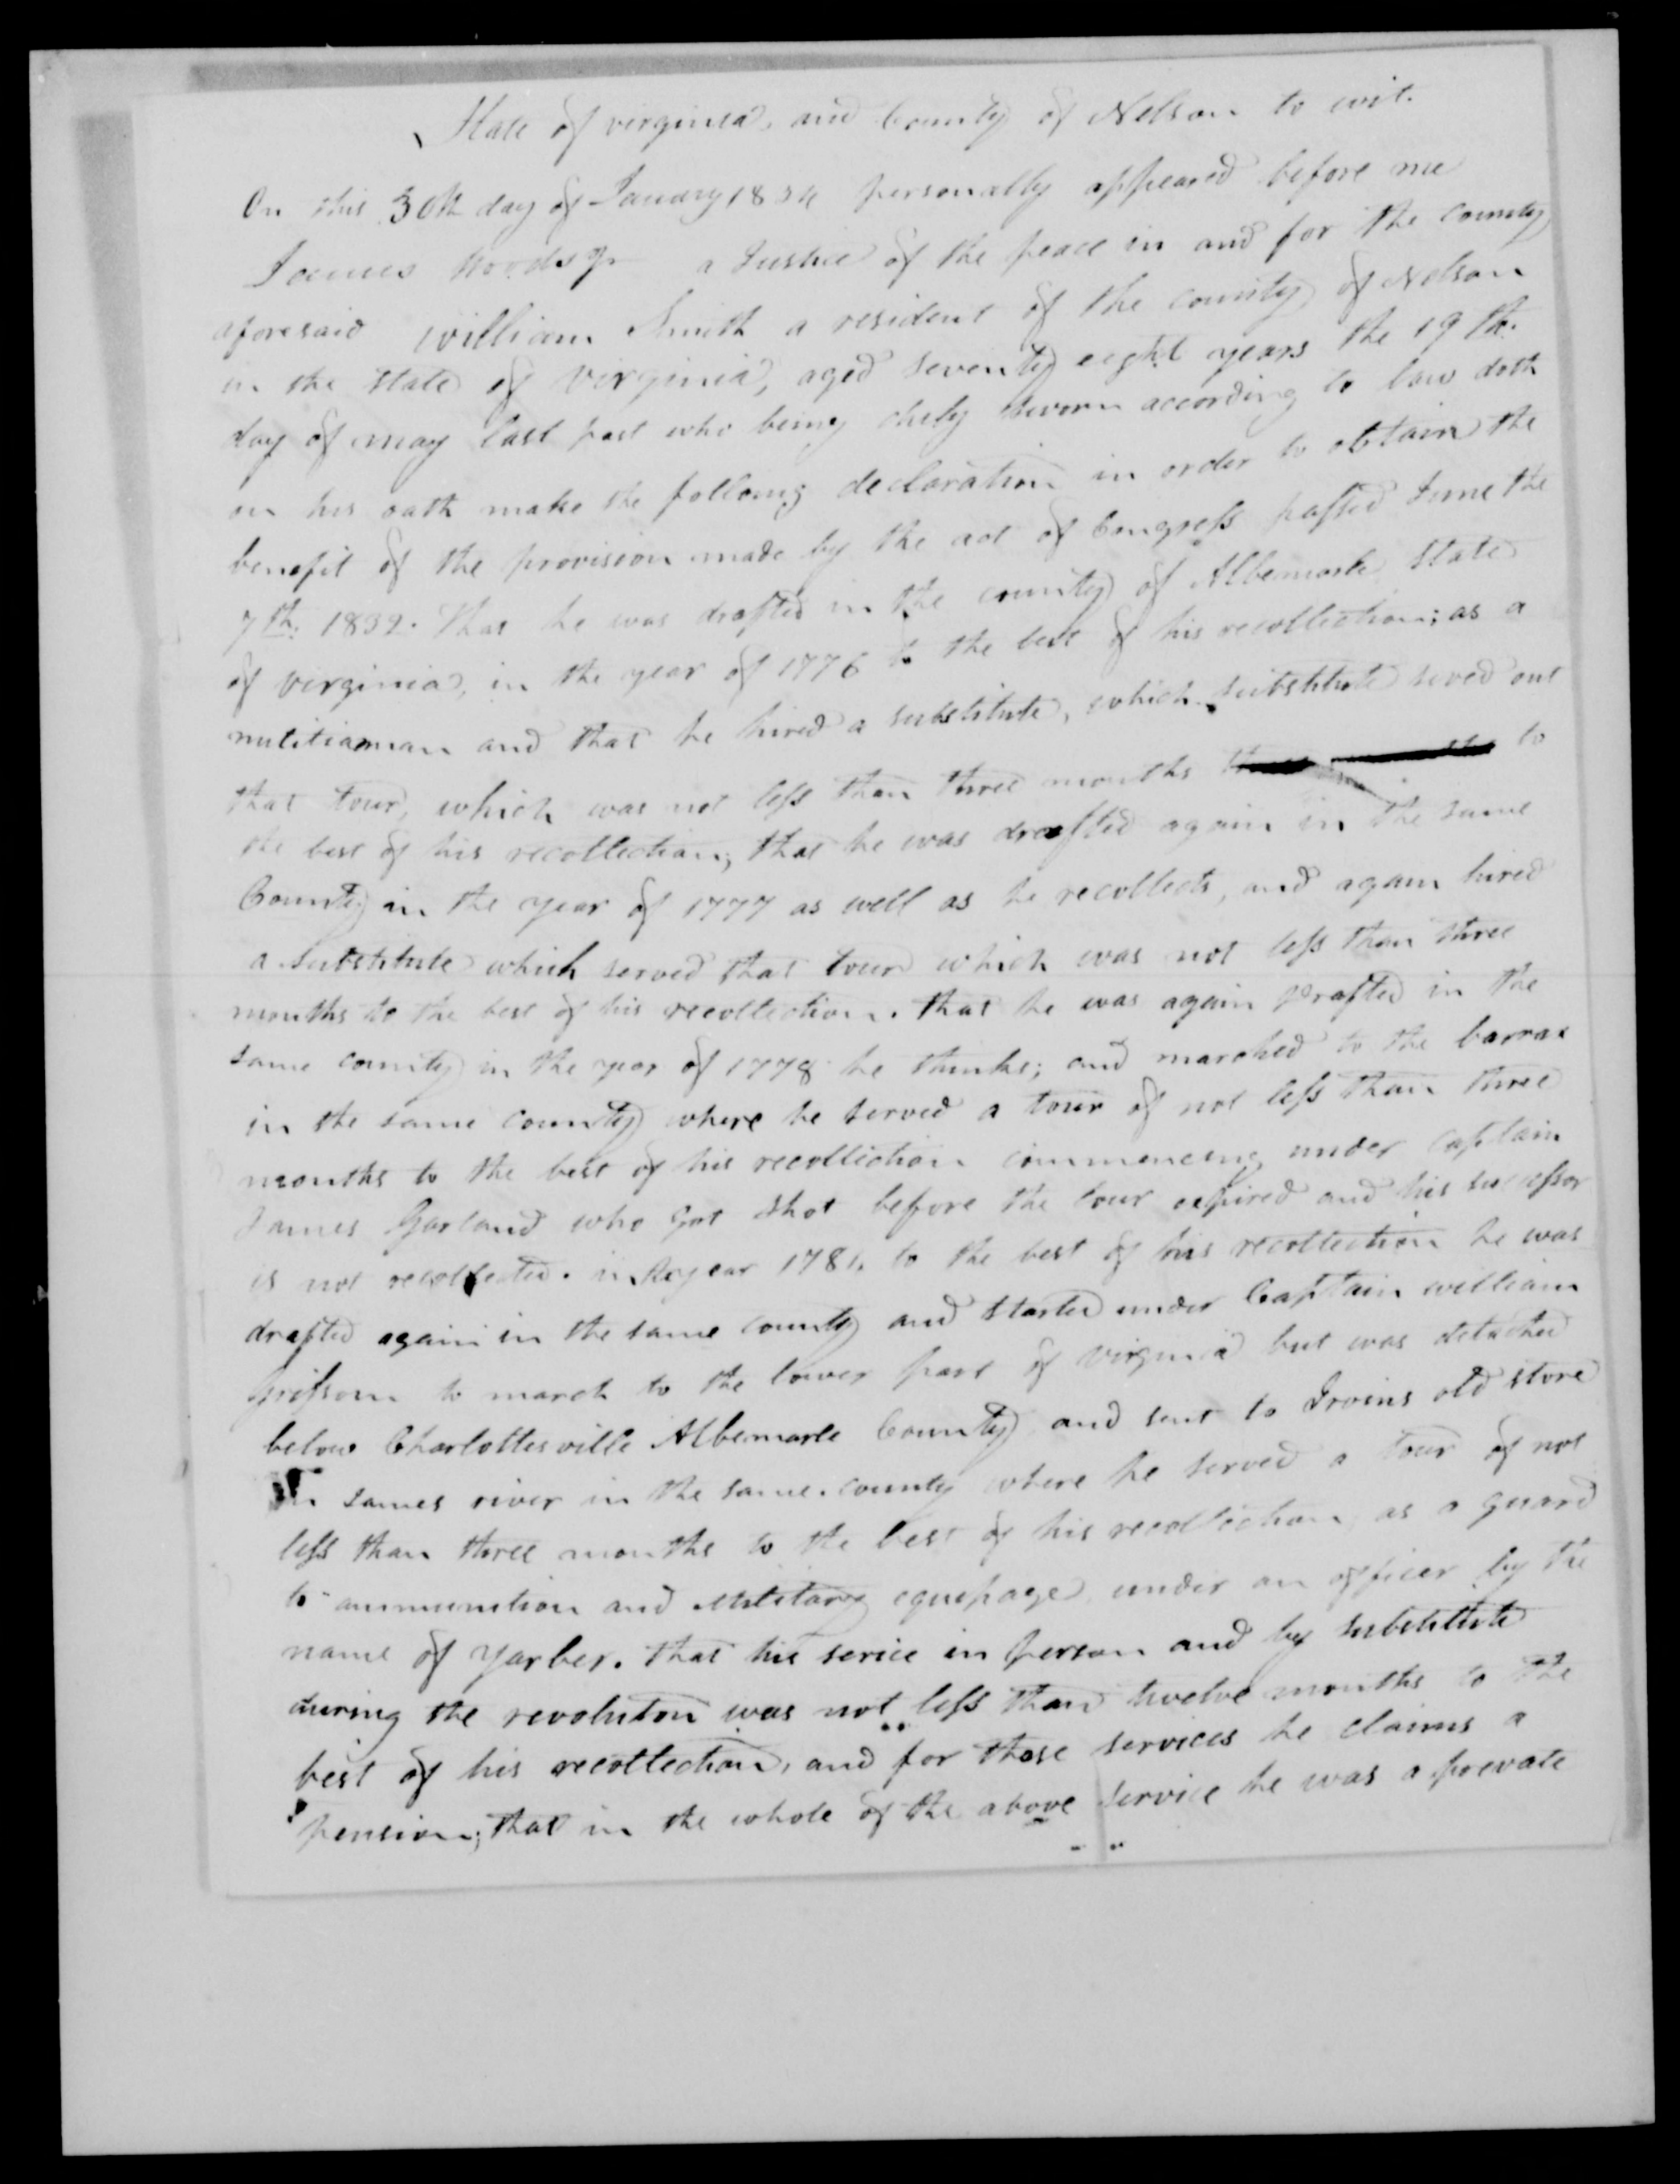State of Virginia, and County of Nelson to wit.
On this 30th day of January 1834 personally appeared before me James Woods Jr a Justice of the Peace in and for the County aforesaid William Smith a resident of the County of Nelson in the State of Virginia, aged seventy eight years the 19th day of May last past who being duly sworn according to law doth on his oath make the following declaration in order to obtain the benefit of the provision made by the act of Congress passed June the 7th 1832. That he was drafted in the county of Albemarle, State of Virginia, in the year of 1776 to the best of his recollection; as a militiaman and that he hired a substitute, which Substitute served out that tour, which was not less than three months to the best of his recollection; that he was drafted again in the same County in the year 1777 as well as he recollects, and again hired a Substitute which served that tour which was not less than three months to the best of his recollection. That he was again Drafted in the same county in the year of 1778 he thinks; and marched to the barrax in the same county where he served a tour of not less than three months to the best of his recollection immediately under Captain James Garland who got shot before the tour expired and his successor is not recollected. in the year 1781, o the best of his recollection he was drafted again in the same county and started under Captain William Grissom to march to the lower part of Virginia but was detached below Charlottesville Albemarle County and sent to Irvines old store on James river in the same county where he served a tour of not less than three months to the best of his recollection, as a guard to ammunition and Military equipage under an officer by the name of Yarber. That his service in person and by substitute during the revolution was not less than twelve months to the best of his recollection, and for those services he claims a pension; that in the whole of the above service he was a private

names: James Garland; James Woods; William Grissom; William Smith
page: 3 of 22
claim: widow's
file: W. 4,806, for William Smith, Virginia